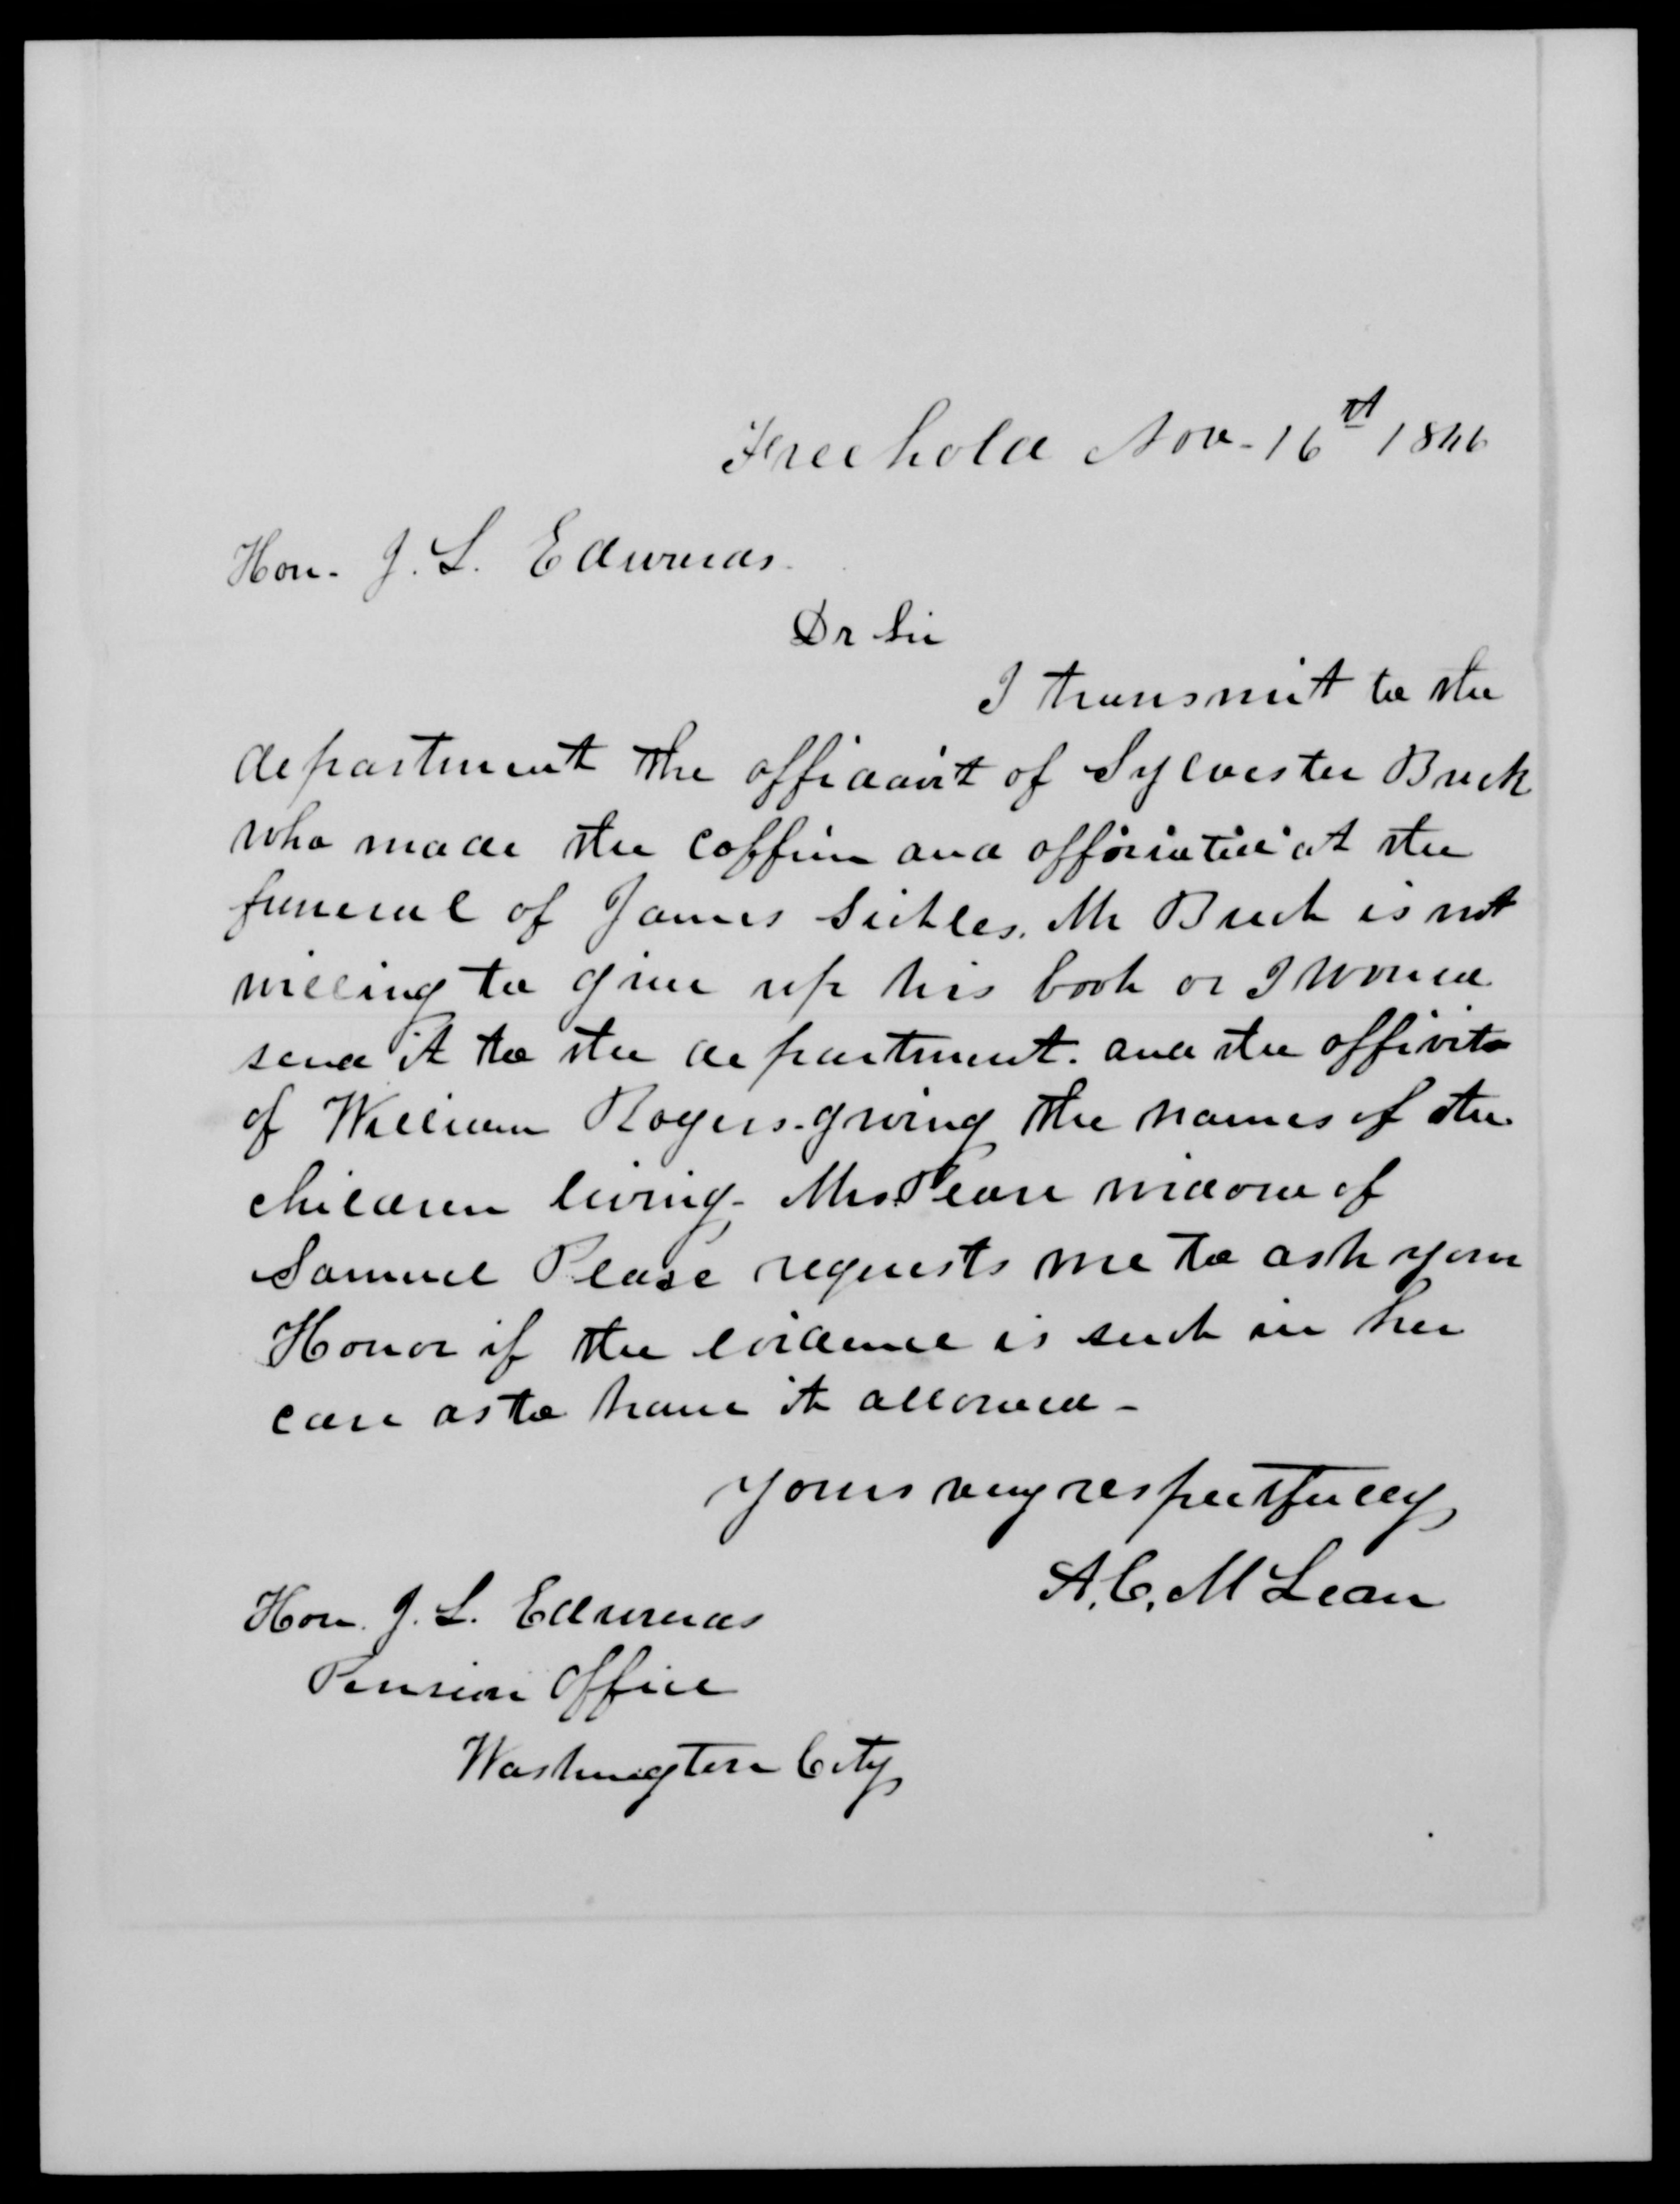Freehold Nov. 16th 1846
Hon. J. L. Edwards.
Dr Sir
I transmit to the department the affidavit of Sylvester Buck who made the coffin and officiated at the funeral of James Sickles. Mr Buck is not willing to give up his book or I would send it to the department and the affidavit of William Royers - giving the names of the children living. Mrs Pease widow of Samuel Pease requests me to ask your Honor if the evidence is such in her case as to have it allowed -
Yours very respectfully,
A. C. McLean
Hon. J. L. Edwards
Pension Office
Washington City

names: J L Edwards; Samuel Pease; Samuel Pease; Sylvester Buck; A C Mc Lean; James Sichles; [BLANK] Buch; William Rogers; J L Edwards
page: 18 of 33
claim: survivor's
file: S. 4,841, for James Sickles, New Jersey